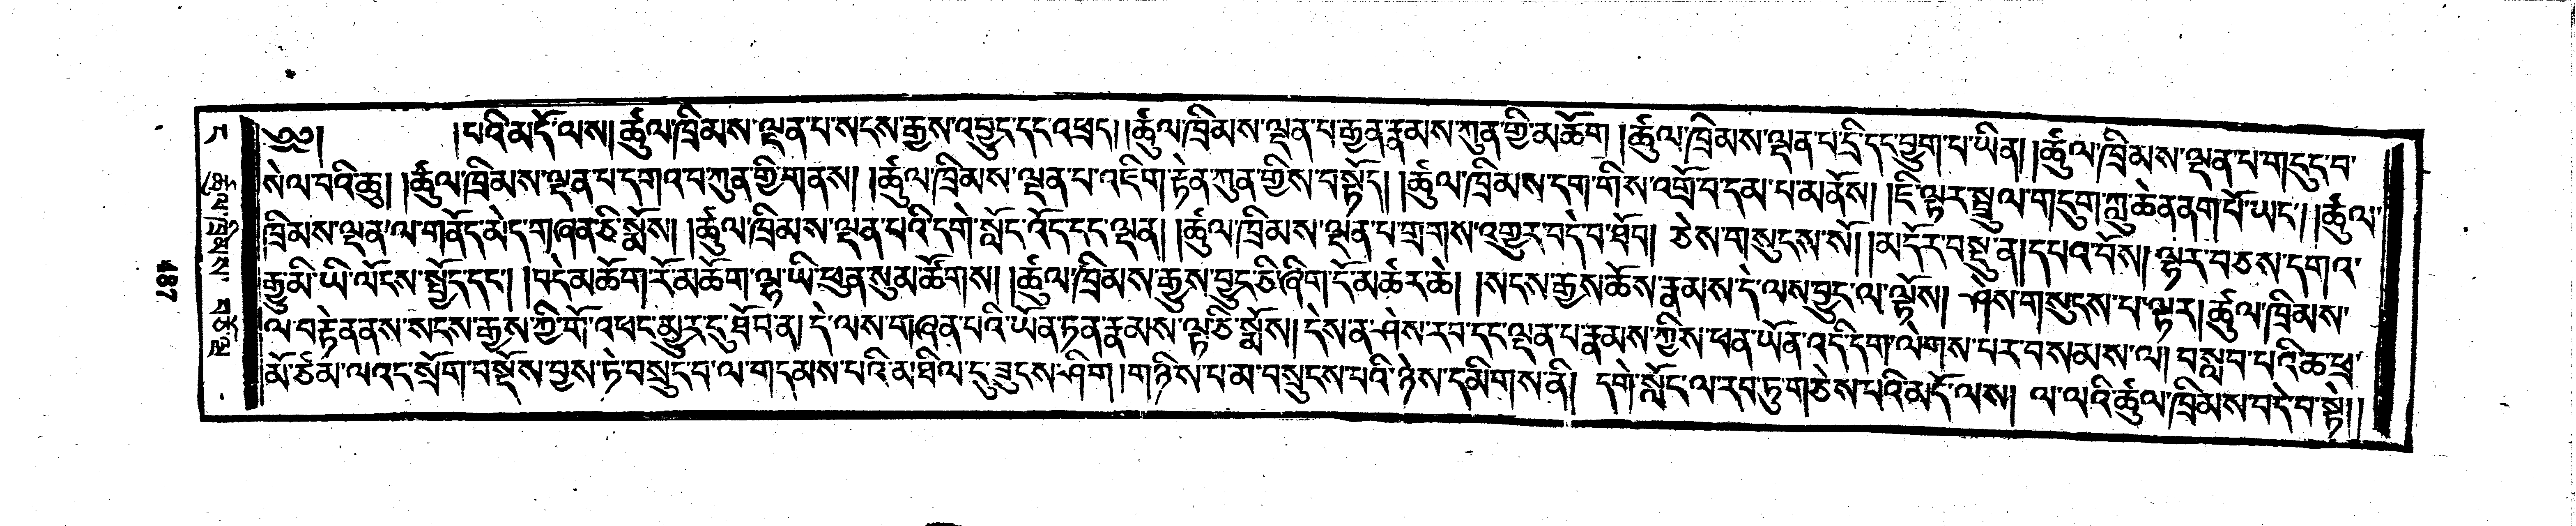༄༅། །པའི་མདོ་ལས། ཚུལ་ཁྲིམས་ལྡན་པ་སངས་རྒྱས་འབྱུང་དང་འཕྲད། །ཚུལ་ཁྲིམས་ལྡན་པ་རྒྱན་རྣམས་ཀུན་གྱི་མཆོག །ཚུལ་ཁྲིམས་ལྡན་པ་དྲི་དང་བྱུག་པ་ཡིན། །ཚུལ་ཁྲིམས་ལྡན་པ་གདུང་བ་
སེལ་བའི་ཆུ། །ཚུལ་ཁྲིམས་ལྡན་པ་དགའ་བ་ཀུན་གྱི་གནས། །ཚུལ་ཁྲིམས་ལྡན་པ་འཇིག་རྟེན་ཀུན་གྱིས་བསྟོད། །ཚུལ་ཁྲིམས་དག་གིས་འགྲོ་བ་དམ་པ་མནོས། །ཇི་ལྟར་སྦྲུལ་གདུག་ཀླུ་ཆེན་ནག་པོ་ཡང་། །ཚུལ་
ཁྲིམས་ལྡན་ལ་གནོད་མེད་གཞན་ཅི་སྨོས། །ཚུལ་ཁྲིམས་ལྡན་པའི་དགེ་སློང་འོད་དང་ལྡན། །ཚུལ་ཁྲིམས་ལྡན་པ་གྲགས་འགྱུར་བདེ་བ་ཐོབ། །ཅེས་གསུངས་སོ། །མདོར་བསྡུ་ན། དཔའ་བོས། ལྷར་བཅས་དགའ་
རྒྱུ་མི་ཡི་ལོངས་སྤྱོད་དང་། །བདེ་མཆོག་རོ་མཆོག་ལྷ་ཡི་ཕུན་སུམ་ཚོགས། །ཚུལ་ཁྲིམས་རྒྱུས་བྱུང་ཅི་ཞིག་ངོ་མཚར་ཆེ། །སངས་རྒྱས་ཆོས་རྣམས་དེ་ལས་བྱུང་ལ་ལྟོས། །ཤེས་གསུངས་པ་ལྟར། ཚུལ་ཁྲིམས་
ལ་བརྟེན་ནས་སངས་རྒྱས་ཀྱི་གོ་འཕང་མྱུར་དུ་ཐོབ་ན། དེ་ལས་གཞན་པའི་ཡོན་ཏན་རྣམས་ལྟ་ཅི་སྨོས། དེས་ན་ཤེས་རབ་དང་ལྡན་པ་རྣམས་ཀྱིས་ཕན་ཡོན་འདི་དག་ལེགས་པར་བསམས་ལ། བསླབ་པའི་ཆ་ཕྲ་
མོ་ཙམ་ལའང་སྲོག་བསྔོས་བྱས་ཏེ་བསྲུང་བ་ལ་གདམས་པའི་མཐིལ་དུ་ཟུངས་ཤིག །གཉིས་པ་མ་བསྲུངས་པའི་ཉེས་དམིགས་ནི། དགེ་སློང་ལ་རབ་ཏུ་གཅེས་པའི་མདོ་ལས། ལ་ལའི་ཚུལ་ཁྲིམས་བདེ་བ་སྟེ། །